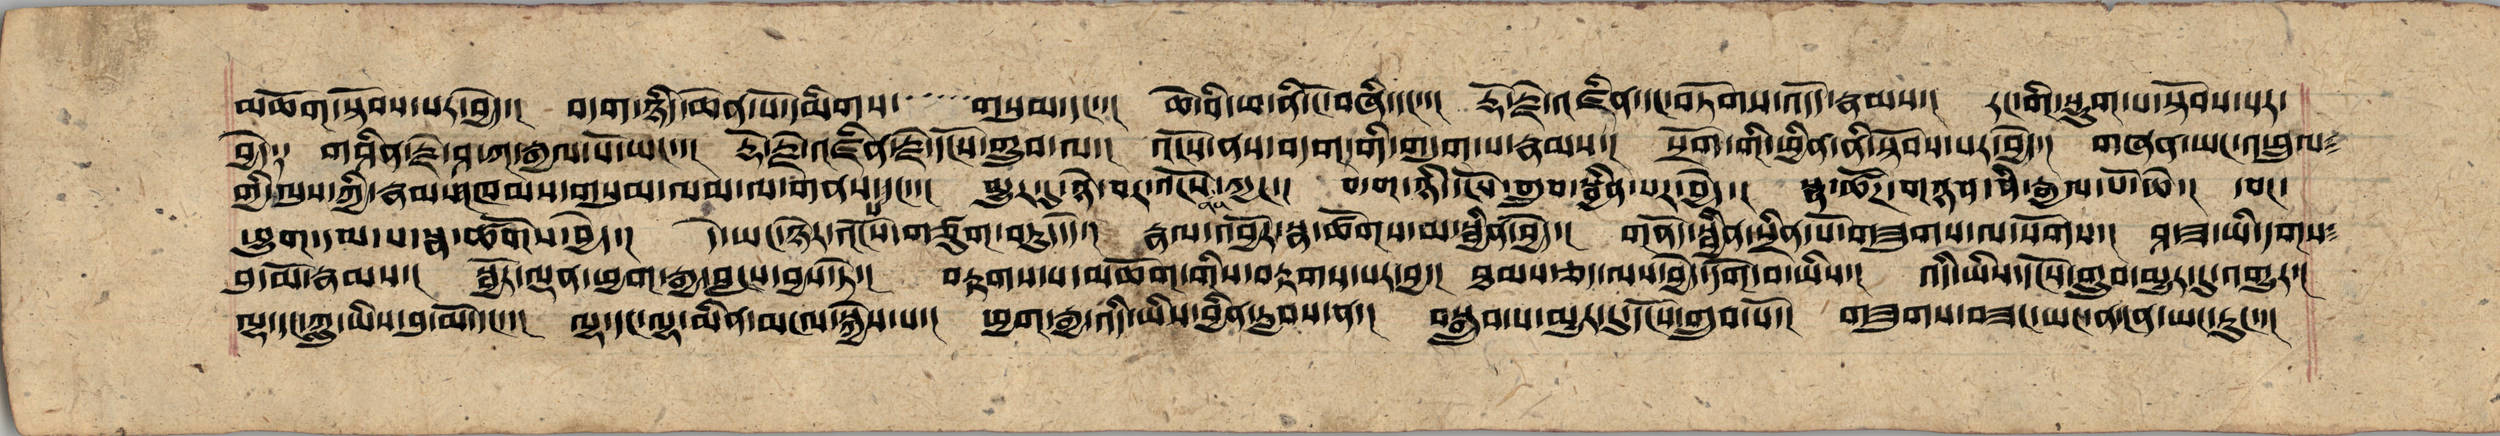མཆོག་སྟོབས་པར་བྱེད་། བདག་ཉིད་ཆེན་པོ་དམིགས་ གསུམ་དང་་། ཆེ་བི་ཕ་ནི་ངོ་བཞིན་དང་་། རྡོ་རྗེ་འཛིན་དང་བཏོགས་འདོད་རྣམས་། རང་གི་སྡུག་པ་སྟོབས་པར་
བྱེད༑ གཤིན་་རྗེ་ཤ་ཀ་རྒྱལ་པོ་ཡང་་། རྡོ་རྗེ་འཛིན་རྗེ་དངོས་གྲུབ་ལ་། འོངས་ནས་བདག་གི་གདུག་པ་རྣམས་། སྲོག་གི་ཕྱིན་ནི་སྟོབས་པར་བྱེད་། གཞན་ཡང་འཕྲུལ་
གྱི་ལུས་ཀྱི་རྣམས།ཁམས་གསུམ་ལམ་ལ་གནས་པ་དང་་། མྱུར་དུ་ཉེ་བར་འོངས་ནས་ཀྱང་། བདག་ཉིད་དངོས་གྲུབ་སྦྱིན་པར་བྱེད་། སྣ་ཚོཌ་གཉན་ནི་རྒྱལ་པོ་ཆེ་། དབང་
ཕྱུག་དམ་པ་སྣ་ཚོགས་བྱེད་། དེ་ཡང་ཉེར་འངོས་གཙུག་བཏུད་དེ་། རྣལ་འབྱོར་སྣ་ཚོགས་མ་སྦྱིན་བྱེད་། གནོད་སྦྱིན་སྲིན་པོ་གཟུགས་ལ་སོགས་། ཤ་ཟ་ཡི་དགས༴
བུ་མོ་རྣམས་། སྦྱོར་ལྡན་ཕྱག་རྒྱ་བླངས་བྱས་ཏེ་། བརྟགས་པ་མཆོག་གིས་བརྟགས་པར་བྱ་། ཐམས་ཅད་ལས་བྱེད་དགེ་བ་ཡིས་། འདི་ཡིས་དངོས་གྲུབ་མྱུར་དུ་འགྱུར་།
ལྷ་དང་ཀླུ་ཡིས་བུ་མོ་དང་་། ལྷ་ད་ལྷ་མིན་མངལ་སྐྱེས་པ་། ཕྱག་རྒྱ་འདི་ཡིས་བྱིན་རླབས་ན་། བསྒྲུབ་པ་མྱུར་དུ་དངོས་གྲུབ་སོ་། གཟུགས་བཟང་ཡང་ན་ངན་ཡང་རུང་་།